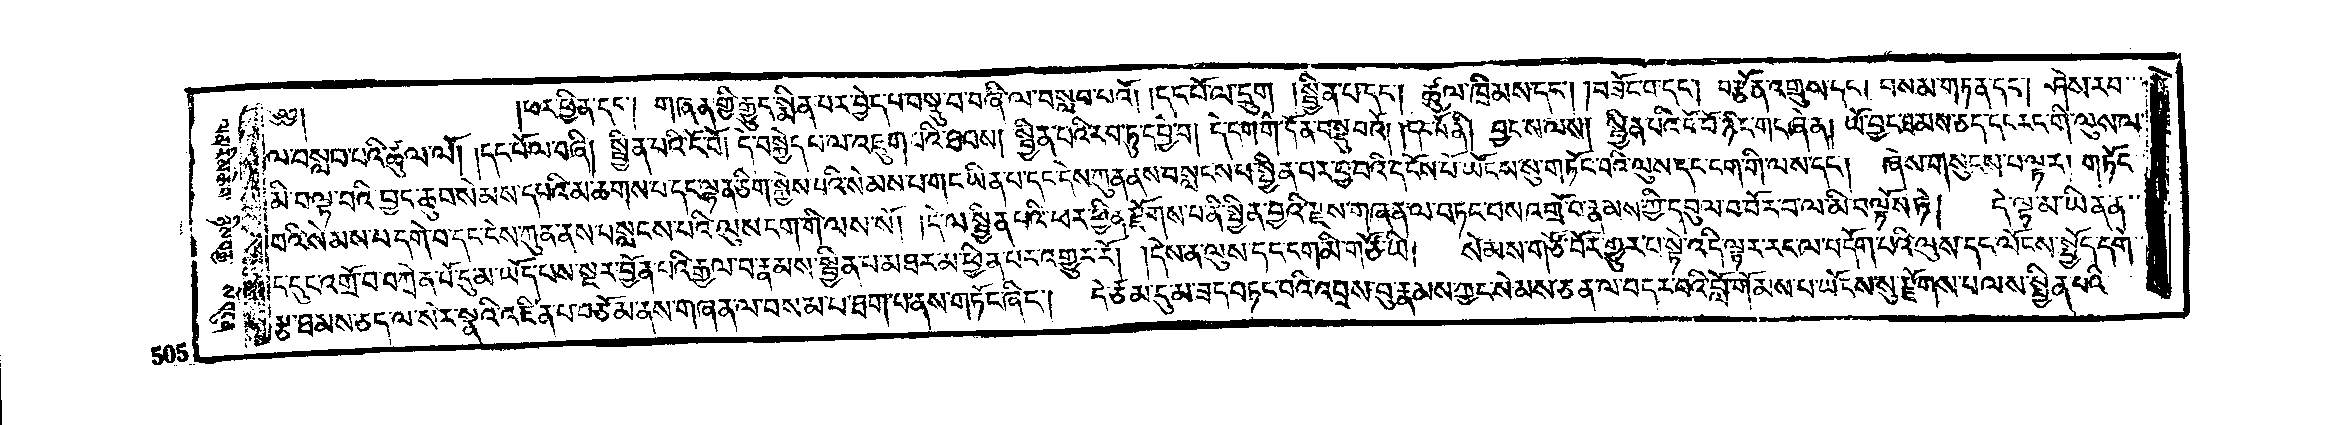༄༅། །ཕར་ཕྱིན་དང་། གཞན་གྱི་རྒྱུད་སྨིན་པར་བྱེད་པ་བསྡུ་བ་བཞི་ལ་བསླབ་པའོ། །དང་པོ་ལ་དྲུག །སྦྱིན་པ་དང་། ཚུལ་ཁྲིམས་དང་། བཟོད་པ་དང་། བརྩོན་འགྲུས་དང་། བསམ་གཏན་དང་། ཤེས་རབ་
ལ་བསླབ་པའི་ཚུལ་ལོ། །དང་པོ་ལ་བཞི། སྦྱིན་པའི་ངོ་བོ། དེ་བསྐྱེད་པ་ལ་འཇུག་པའི་ཐབས། སྦྱིན་པའི་རབ་ཏུ་དབྱེ་བ། དེ་དག་གི་དོན་བསྡུ་བའོ། །དང་པོ་ནི། བྱང་ས་ལས། སྦྱིན་པའི་ངོ་བོ་ཉིད་གང་ཞེ་ན། ཡོ་བྱད་ཐམས་ཅད་དང་རང་གི་ལུས་ལ་
མི་བལྟ་བའི་བྱང་ཆུབ་སེམས་དཔའི་མ་ཆགས་པ་དང་ལྷན་ཅིག་སྐྱེས་པའི་སེམས་པ་གང་ཡིན་པ་དང་དེས་ཀུན་ནས་བསླངས་པ་སྦྱིན་པར་བྱ་བའི་དངོས་པོ་ཡོངས་སུ་གཏོང་བའི་ལུས་དང་ངག་གི་ལས་དང་། ཞེས་གསུངས་པ་ལྟར། གཏོང་
བའི་སེམས་པ་དགེ་བ་དང་དེས་ཀུན་ནས་བསླངས་པའི་ལུས་ངག་གི་ལས་སོ། །དེ་ལ་སྦྱིན་པའི་ཕར་ཕྱིན་རྫོགས་པ་ནི་སྦྱིན་བྱའི་རྫས་གཞན་ལ་བཏང་བས་འགྲོ་བ་རྣམས་ཀྱི་དབུལ་བ་བོར་བ་ལ་མི་བལྟོས་ཏེ། དེ་ལྟ་མ་ཡིན་ན་
ད་དུང་འགྲོ་བ་བཀྲེན་པོ་དུ་མ་ཡོད་པས་སྔར་བྱོན་པའི་རྒྱལ་བ་རྣམས་སྦྱིན་པ་མཐར་མ་ཕྱིན་པར་འགྱུར་རོ། །དེས་ན་ལུས་དང་ངག་མི་གཙོ་ཡི། སེམས་གཙོ་བོར་གྱུར་པ་སྟེ་འདི་ལྟར་རང་ལ་བདོག་པའི་ལུས་དང་ལོགས་སྦྱོད་དགེ་
རྩ་ཐམས་ཅད་ལ་སེར་སྣའི་འཛིན་པ་བཅོམ་ནས་གཞན་ལ་བསམ་པ་ཐག་པ་ནས་གཏོང་ཞིང་། དེ་ཙམ་དུ་མ་ཟད་བཏང་བའི་འབྲས་བུ་རྣམས་ཀྱང་སེམས་ཅན་ལ་བདར་བའི་བློ་གོམས་པ་ཡོངས་སུ་རྫོགས་པ་ལས་སྦྱིན་པའི་